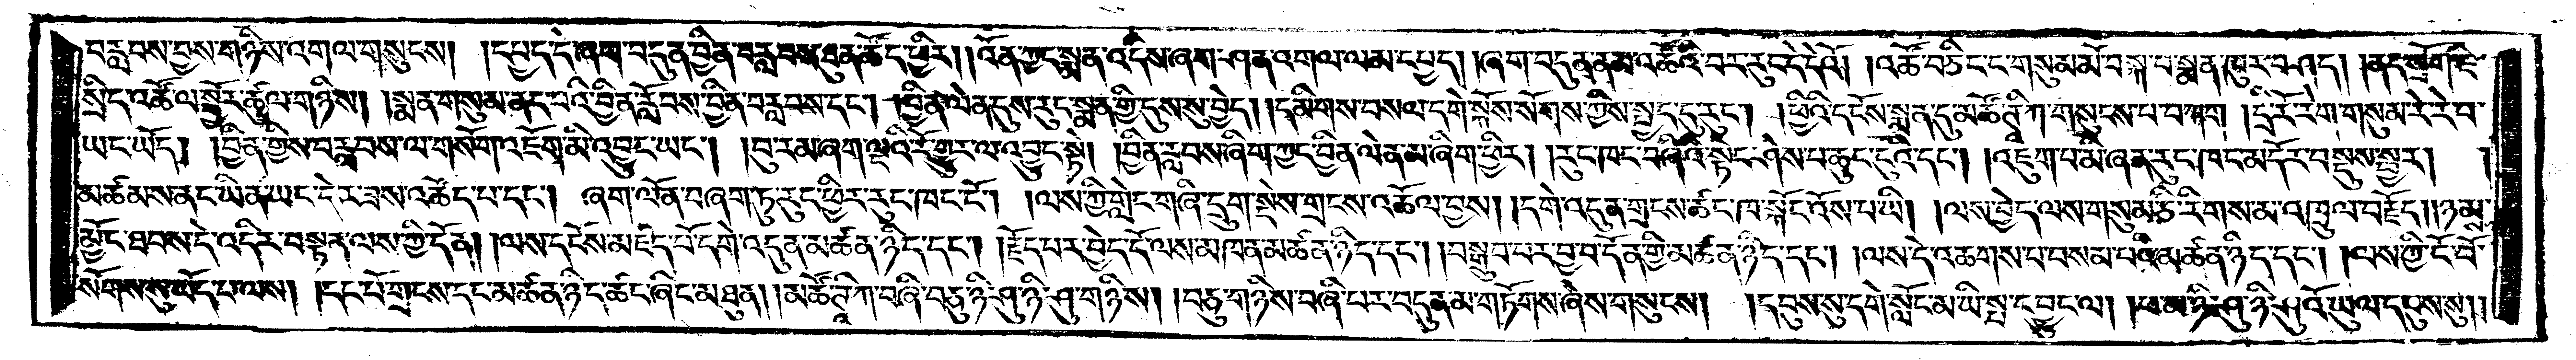བརླབས་བྱས་གཉིས་འགལ་གསུངས། །དཔྱད་དེ་ཞག་བདུན་བྱིན་བརླབས་ཐུན་ཚོད་ཕྱིར། །འོན་ཀྱང་སྨན་འདིས་ཞག་ཤན་འགལ་ལམ་དཔྱད། །ཞག་བདུན་ནམ་འཚོའི་བར་རུར་དེ་དེའོ། །འཚོ་བཅིང་ང་གསུམ་མོ་བསྐ་བ་སྨན་ཁུར་བཤད། །ནད་སྲོག་ཇི་
སྲིད་འཚོལ་སྦྱོར་ཚུལ་གཉིས། །སྨན་གསུམ་ནད་པའི་བྱིན་རློབས་བྱིན་བརླབས་དང་། །བྱིན་ལེན་དུས་རུང་སྨན་གྱི་དུས་སུ་བྱེད། །དམིགས་བསལ་དགེ་སྐོས་སོགས་ཀྱིས་སྤྱད་དུ་རུང་། །ཕྱིའི་དངོས་སྨན་དུ་མཚོ་ཊཱིཀ་གསུངས་པ་བཀག །དྲི་རོ་རེག་གསུམ་རེ་རེ་བ་
ཡང་ཡོད། །བྱིན་གྱིས་བརླབས་ལ་གསོག་འཇོག་མི་འབྱུང་ཡང་། །བུ་རམ་ཞག་ལྡའི་རོ་གྱུར་ལ་འབྱུང་སྟེ། །བྱིན་རླབས་ཞིག་ཀྱང་བྱིན་ལེན་མ་ཞིག་ཕྱིར། །རུང་ཁང་བཞིའི་སྟེང་ཤེས་པ་ཆུང་དུའི་དང་། །འཇུག་པ་མི་ཞན་རུང་ཁང་མདོར་བསྡུས་སྦྱར། །
མཚམས་ནང་ཡིན་ཡང་དེར་ཟས་འཚོད་པ་དང་། ཞག་ལོན་བཞག་ཏུ་རུང་ཕྱིར་རུང་ཁང་ངོ། །ལས་ཀྱི་གླེང་གཞི་དྲུག་སྡེས་གྲངས་འཆོལ་བྱས། །དགེ་འདུན་གྲངས་ཚང་ཁ་སྐོང་འོས་པ་ཡི། །ལས་བྱེད་ལས་གསུམ་ཅི་རིགས་མ་འཁྲུལ་བརྗོད། །ཉམས་
མྱོད་ཐབས་དེ་འདིར་བསྟན་ལས་ཀྱི་དོན། །ལས་དངོས་མཛད་པོ་དགེ་འདུན་མཚན་ཉིད་དང་། །རྗོད་པར་བྱེད་དོ་ལས་མཁན་མཚན་ཉིད་དང་། །བསྒྲུབ་པར་བྱ་བ་དོན་གྱི་མཚན་ཉིད་དང་། །ལས་དེ་འཆགས་པ་བསམ་པའི་མཚན་ཉིད་དང་། །ལས་ཀྱི་ངོ་བོ་
སོགས་སུ་ཡོད་པ་ལས། །དང་པོ་གྲངས་དང་མཚན་ཉིད་ཚང་ཞིང་མཐུན། །མཚོ་ཊཱིཀ་བཞི་བཅུ་ཉི་ཤུ་ཉི་ཤུ་གཉིས། །བཅུ་གཉིས་བཞི་པར་བདུན་མ་གཏོགས་ཞེས་གསུངས། །དབུས་སུ་དགེ་སློང་མ་ཡི་སྦང་བྱུང་ལ། །ཕ་མ་ཉི་ཤུ་ཉི་ཤུའོ་ཡུལ་དབུས་སུ། །